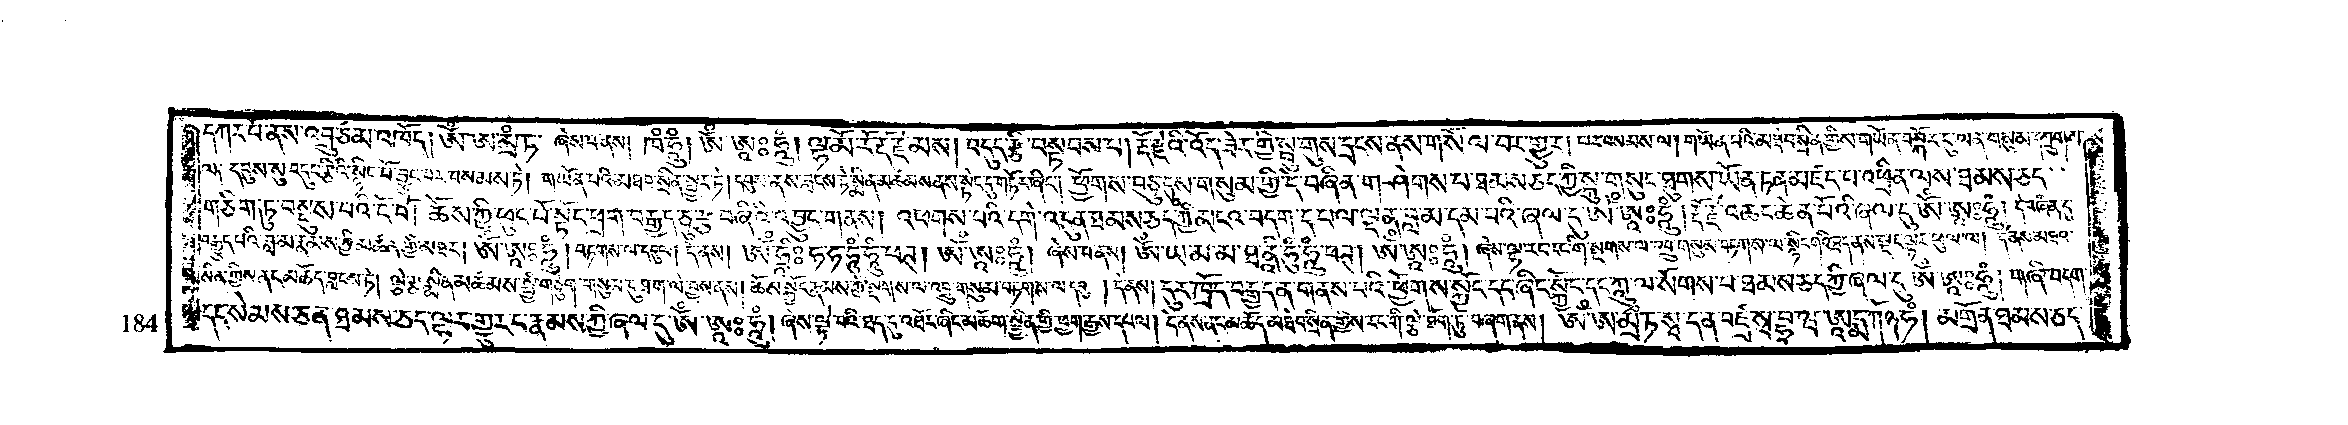དཀར་པོ་ནས་འབྲུ་ཙམ་འཁོད། ཨོཾ་ཨ་མྲཾ་ཏ་ཞེས་པ་ནས།  ཁཾ་ཧཱུཾ། ཨོཾ་ཨཱཿ ཧཱུཾ། ལྷ་མོ་རོ་རྡོ་རྗེ་མས། བདུད་རྩི་བསྟབས་པ། རྡོ་རྗེའི་འོད་ཟེར་གྱི་སྦུ་གུས་དྲངས་ནས་གསོལ་བར་གྱུར། པར་བསམས་ལ། གཡོན་པའི་མཐེབ་སྲིན་གྱིས་གཡོན་བསྐོར་དུ་ལན་གསུམ་དཀྲུགས་
ལ། དབུས་སུ་བདུད་རྩིའི་སྙིང་པོ་བྱུང་བར་བསམས་ཏེ། གཡོན་པའི་མཐེབ་སྲིན་སྦྱར་ཏེ། དབུས་ནས་བླངས་ཏེ་སྨིན་མཚམས་ནས་སྟེང་དུ་གཏོར་ཞིང་། ཕྱོགས་བཅུ་དུས་གསུམ་གྱི་དེ་བཞིན་གཤེགས་པ་ཐམས་ཅད་ཀྱི་སྐུ་གསུང་ཐུགས་ཡོན་ཏན་མཛད་པ་འཕྲིན་ལས་ཐམས་ཅད་
གཅིག་ཏུ་བསྡུས་པའི་ངོ་བོ། ཆོས་ཀྱི་ཕུང་པོ་སྟོང་ཕྲག་བརྒྱ་ཅུ་བཞིའི་འབྱུང་གནས། འཕགས་པའི་དགེ་འདུན་ཐམས་ཅད་ཀྱི་མངའ་བདག་དཔལ་ལྡན་བླ་མ་དམ་པའི་ཞལ་དུ་ཨོཾ་ཨཱཿ ཧཱུཾ། རྡོ་རྗེ་འཆང་ཆེན་པོའི་ཞལ་དུ་ཨོཾ་ཨཱཿ ཧཱུཾ། དེ་བཞིན་དུ་
བརྒྱུད་པའི་བླ་མ་རྣམས་ཀྱི་མཚན་གྱི་མཐར། ཨོཾ་ཨཱཿ ཧཱུཾ། བཏགས་ལ་དབུལ། དེ་ནས།  ཨོཾ་ཧྲཱིཿ ཧ་ཧ་ཧཱུཾ་ཧཱུཾ་ཕཊ། ཨོཾ་ཨཱཿ ཧཱུཾ། ཞེས་པ་ནས།  ཨོཾ་ཡ་མ་མ་ཐ་ནཱི་ཧཱུཾ་ཧཱུཾ་ཕཊ། ཨོཾ་ཨཱཿ ཧཱུཾ། ཞེས་ལྷར་རང་རང་གི་སྔགས་ལ་འབྲུ་གསུམ་བཏགས་ལ་སྙིང་གའི་ཐད་ནས་སྔར་ལྟར་པུལ་ལ། དེ་ནས་མཐོབ་
སྲིན་གྱིས་ནང་མཆོད་བླངས་ཏེ། ལྕེ་རྩ་སྨིན་མཚམས་སྤྱི་གཙུག་གསུམ་དུ་ཐག་ལེ་བྱས་ནས། ཆོས་སྐྱོང་རྣམས་ཀྱི་སྔགས་ལ་འབྲུ་གསུམ་བཏགས་ལ་དབུལ། དེ་ནས། དུར་ཁྲོད་བརྒྱད་ན་གནས་པའི་ཕྱོགས་སྐྱོང་དང་ཞིང་སྐྱོང་དང་ཀླུ་ལ་སོགས་པ་ཐམས་ཅད་ཀྱི་ཞལ་དུ་ཨོཾ་ཨཱཿ ཧཱུཾ། གཞི་བདག་
དང་སེམས་ཅན་ཐམས་ཅད་ལྷར་གྱུར་པ་རྣམས་ཀྱི་ཞལ་དུ་ཨོཾ་ཨཱཿ ཧཱུཾ། ཞེས་ལྟེ་བའི་ཐད་དུ་འཐོར་ཞིང་མཆོག་སྦྱིན་གྱི་ཕྱག་རྒྱས་དཔལ། དེ་ནས་ནང་མཆོད་མཐེབ་སྲིན་གྱིས་རང་གི་ལྕེ་ཐོག་ཏུ་བཞག་ནས།  ཨོཾ་ཨ་མྲྀ་ཏ་སྭ་ད་ན་བཛྲ་སྭ་བྷཱ་ཝ་ཨཱདམ་ཀོཉྷཾ། མགྲོན་ཐམས་ཅད་